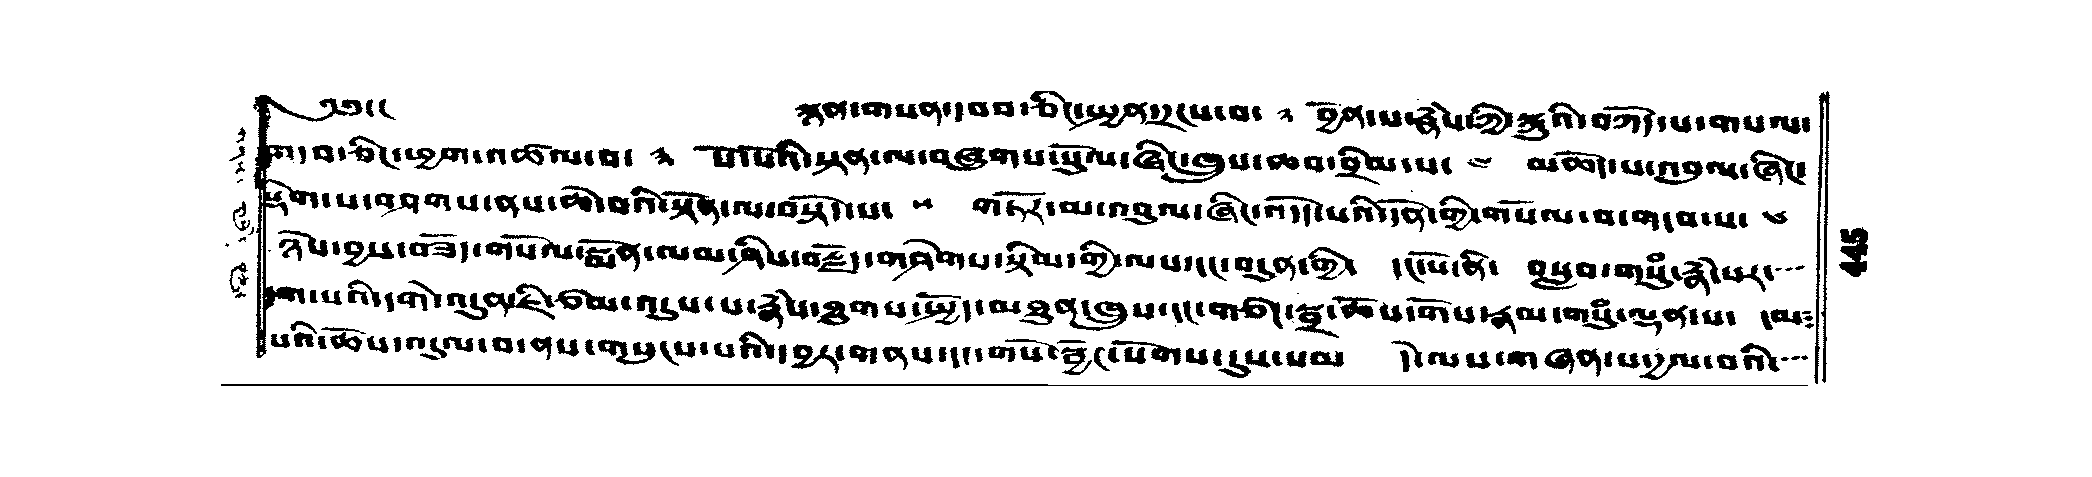སྙན་གསན་དབབ་ཅིང་སྤྱན་དྲངས་བ། བྱོན་པ་རྣམས་ཀྱི་སྐུའི་བཀོད་པ་གསལ་
གདབ་ཅིང་ཕྱག་འཚལ་བ། སོ་སོའི་སྟན་ལ་བཞུགས་སུ་གསོལ་ཞིང་ཁྲུས་ཆབ་བྲེམ་པ། མཆོད་པ་འབུལ་ཞིང་
སྡིག་པ་བཤགས་ནས་ཆེ་བའི་ཡོན་ཏན་ལ་བསྟོད་པ། གཏོར་མ་འབུལ་ཞིང་འདོད་པའི་དོན་གྱི་གསོལ་བ་གདབ་པ། 
ཉེས་བྱས་བཟོད་གསོལ་སྨོན་ལམ་ཤིས་བརྗོད་གཤེགས་སྟིམ་གྱི་ལས་དང་བདུན་གྱི། དང་པོ་ནི་བསླབ་གསུམ་རྣམ་པར་
དག་པའི་དགེ་འདུན་ཇི་ཙམ་འདུས་པ་རྣམས་ཐུགས་སྤྱོད་མཐུན་ཁྲུས་དང་གཙང་སྦྲ་ཆོས་གོས་རྣམ་གསུམ་ལྡན་པ། དམ་
པའི་ཆོས་འདུལ་བ་ནས་གསུངས་པའི་དབྱར་གནས་གསོ་སྦྱོང་སོགས་དུས་དང་། དེ་ལས་གཞན་པ་རྒྱལ་བའི་